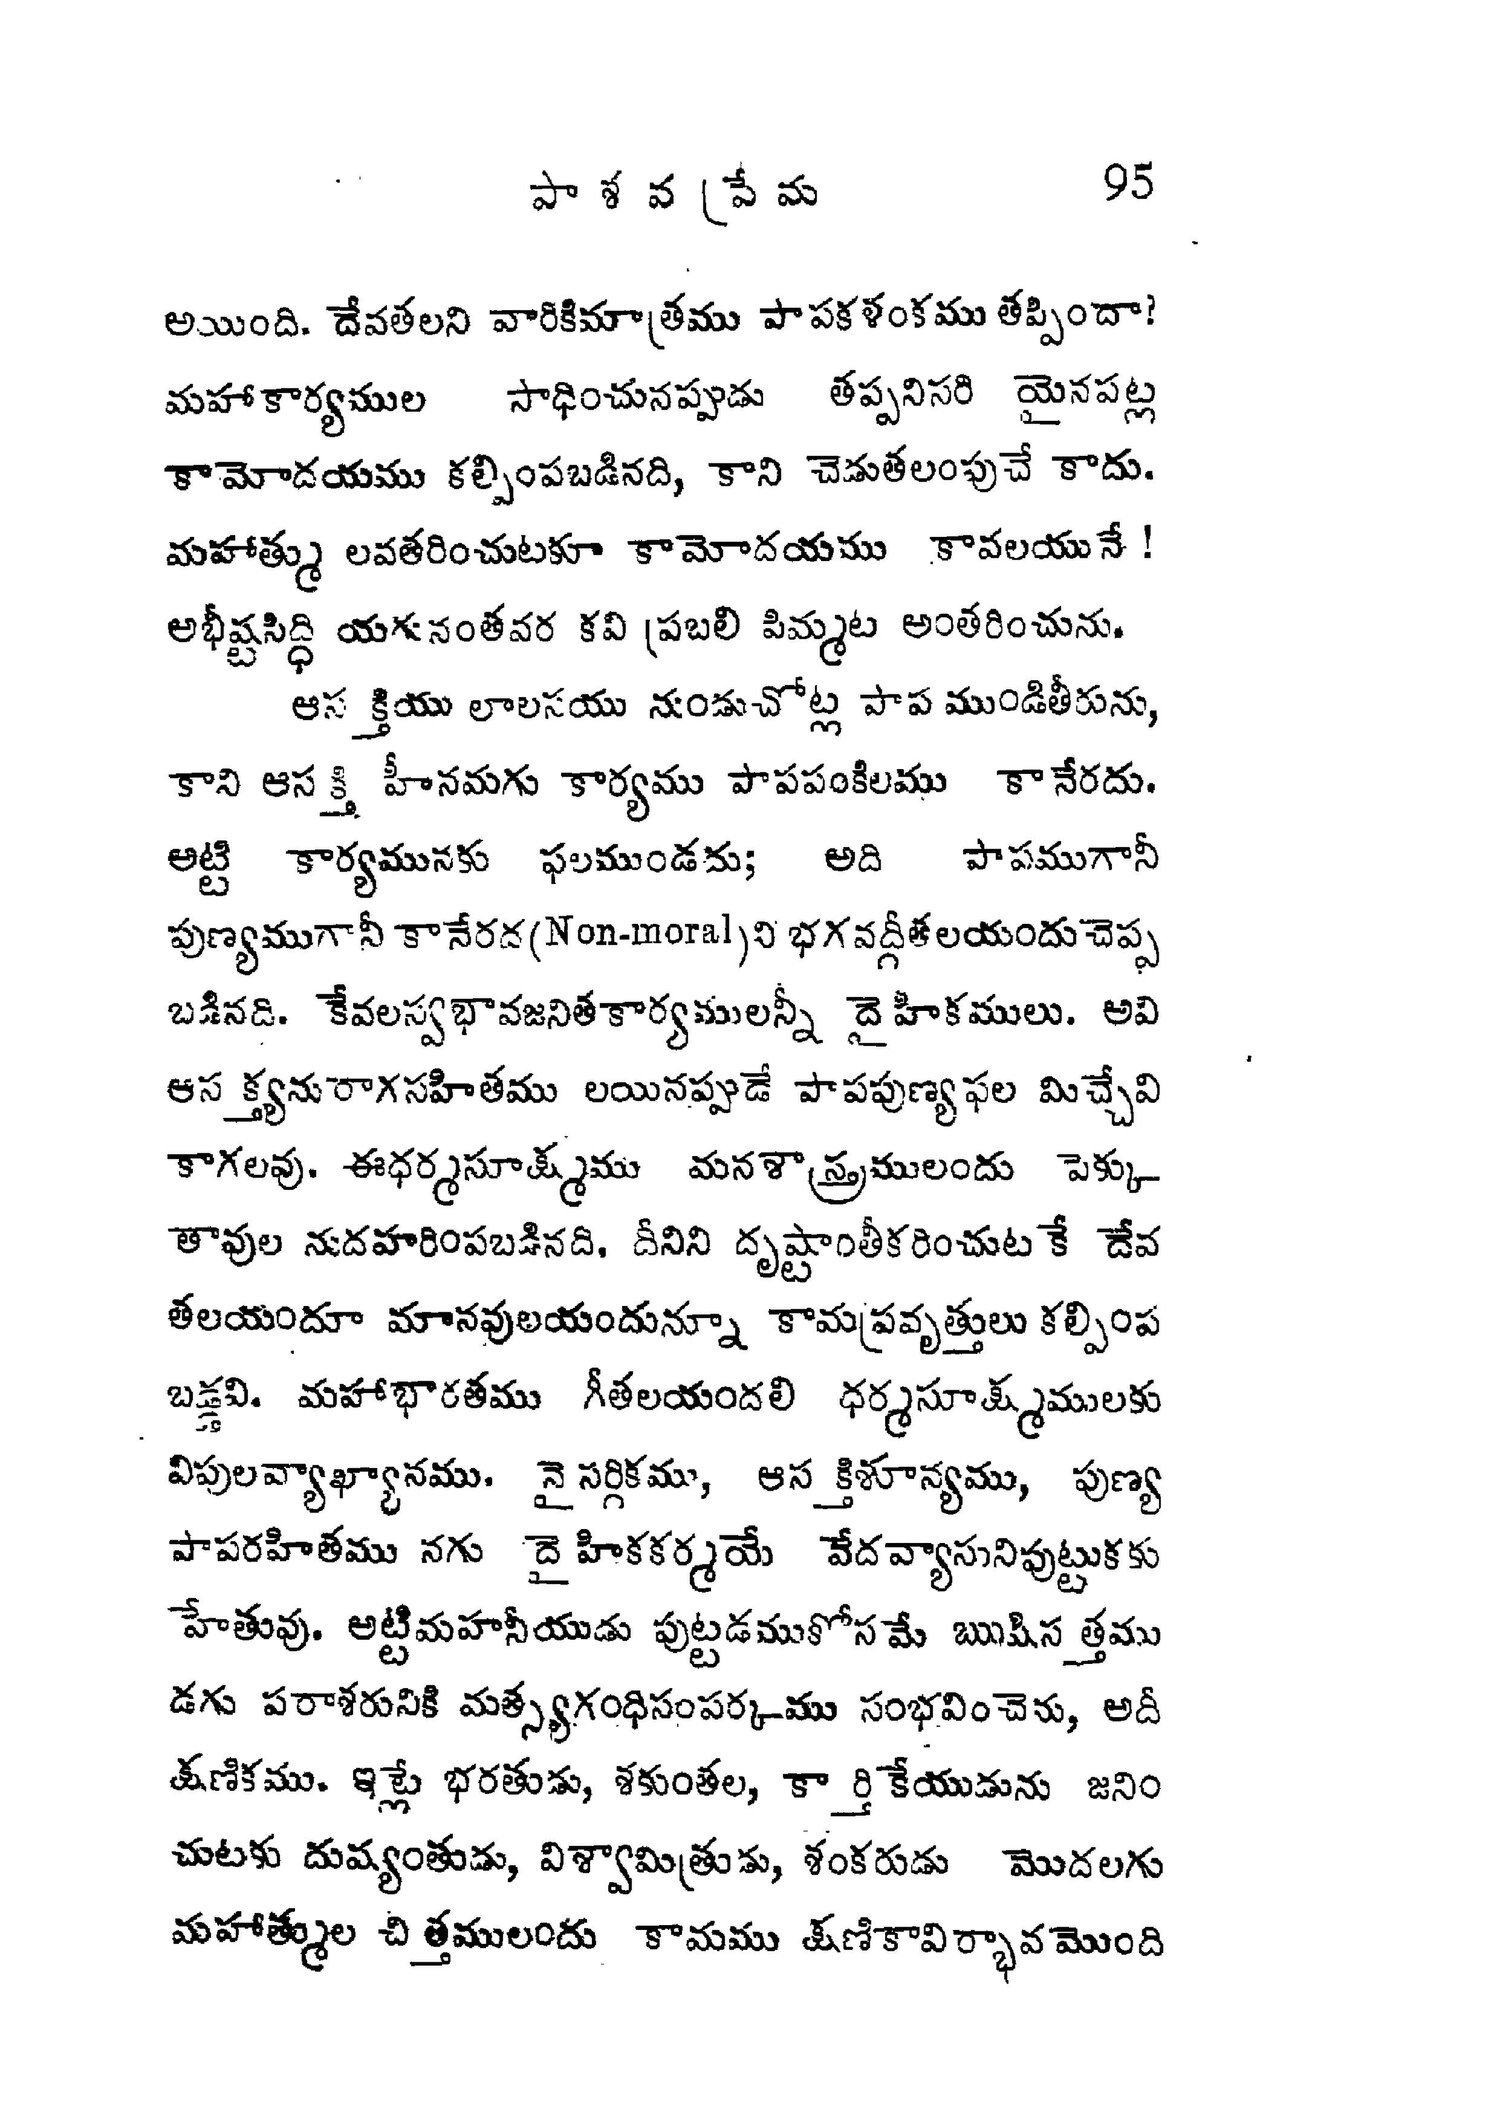అయింది. దేవతలని వారికిమాత్రము పాపకళంకము తప్పిందా? మహాకార్యముల సాధించునప్పుడు తప్పనిసరి యైనపట్ల కామోదయము కల్పింపబడినది, కాని చెడుతలంపుచే కాదు. మహాత్ము లవతరించుటకూ కామోదయము కావలయునే! అభీష్టసిద్ధి యగునంతవర కవి ప్రబలి పిమ్మట అంతరించును.

ఆసక్తియు లాలసయు నుండుచోట్ల పాప ముండితీరును, కాని ఆసక్తి హీనమగు కార్యము పాపపంకిలము కానేరదు. అట్టి కార్యమునకు ఫలముండదు; అది పాపముగానీ పుణ్యముగానీ కానేరద(Non-moral)ని భగవద్గీతలయందు చెప్పబడినది. కేవలస్వభావజనితకార్యములన్నీ దైహికములు. అవి ఆసక్త్యనురాగ సహితము లయినప్పుడే పాపపుణ్యఫల మిచ్చేవి కాగలవు. ఈధర్మసూక్ష్మము మనశాస్త్రములందు పెక్కుతావుల నుదహరింపబడినది. దీనిని దృష్టాంతీకరించుటకే దేవతలయందూ మానవులయందున్నూ కామప్రవృత్తులు కల్పింప బడ్డవి. మహాభారతము గీతలయందలి ధర్మసూక్ష్మములకు విపులవ్యాఖ్యానము. నైసర్గికము, ఆసక్తిశూన్యము, పుణ్య పాపరహితము నగు దైహికకర్మయే వేదవ్యాసునిపుట్టుకకు హేతువు. అట్టిమహనీయుడు పుట్టడముకోసమే ఋషిసత్తముడగు పరాశరునికి మత్స్యగంధిసంపర్కము సంభవించెను, అదీ క్షణికము. ఇట్లే భరతుడు, శకుంతల, కార్తికేయుడును జనించుటకు ధుష్యంతుడు, విశ్వామిత్రుడు, శంకరుడు మొదలగు మహాత్ముల చిత్తములందు కామము క్షణికావిర్భావమొంది